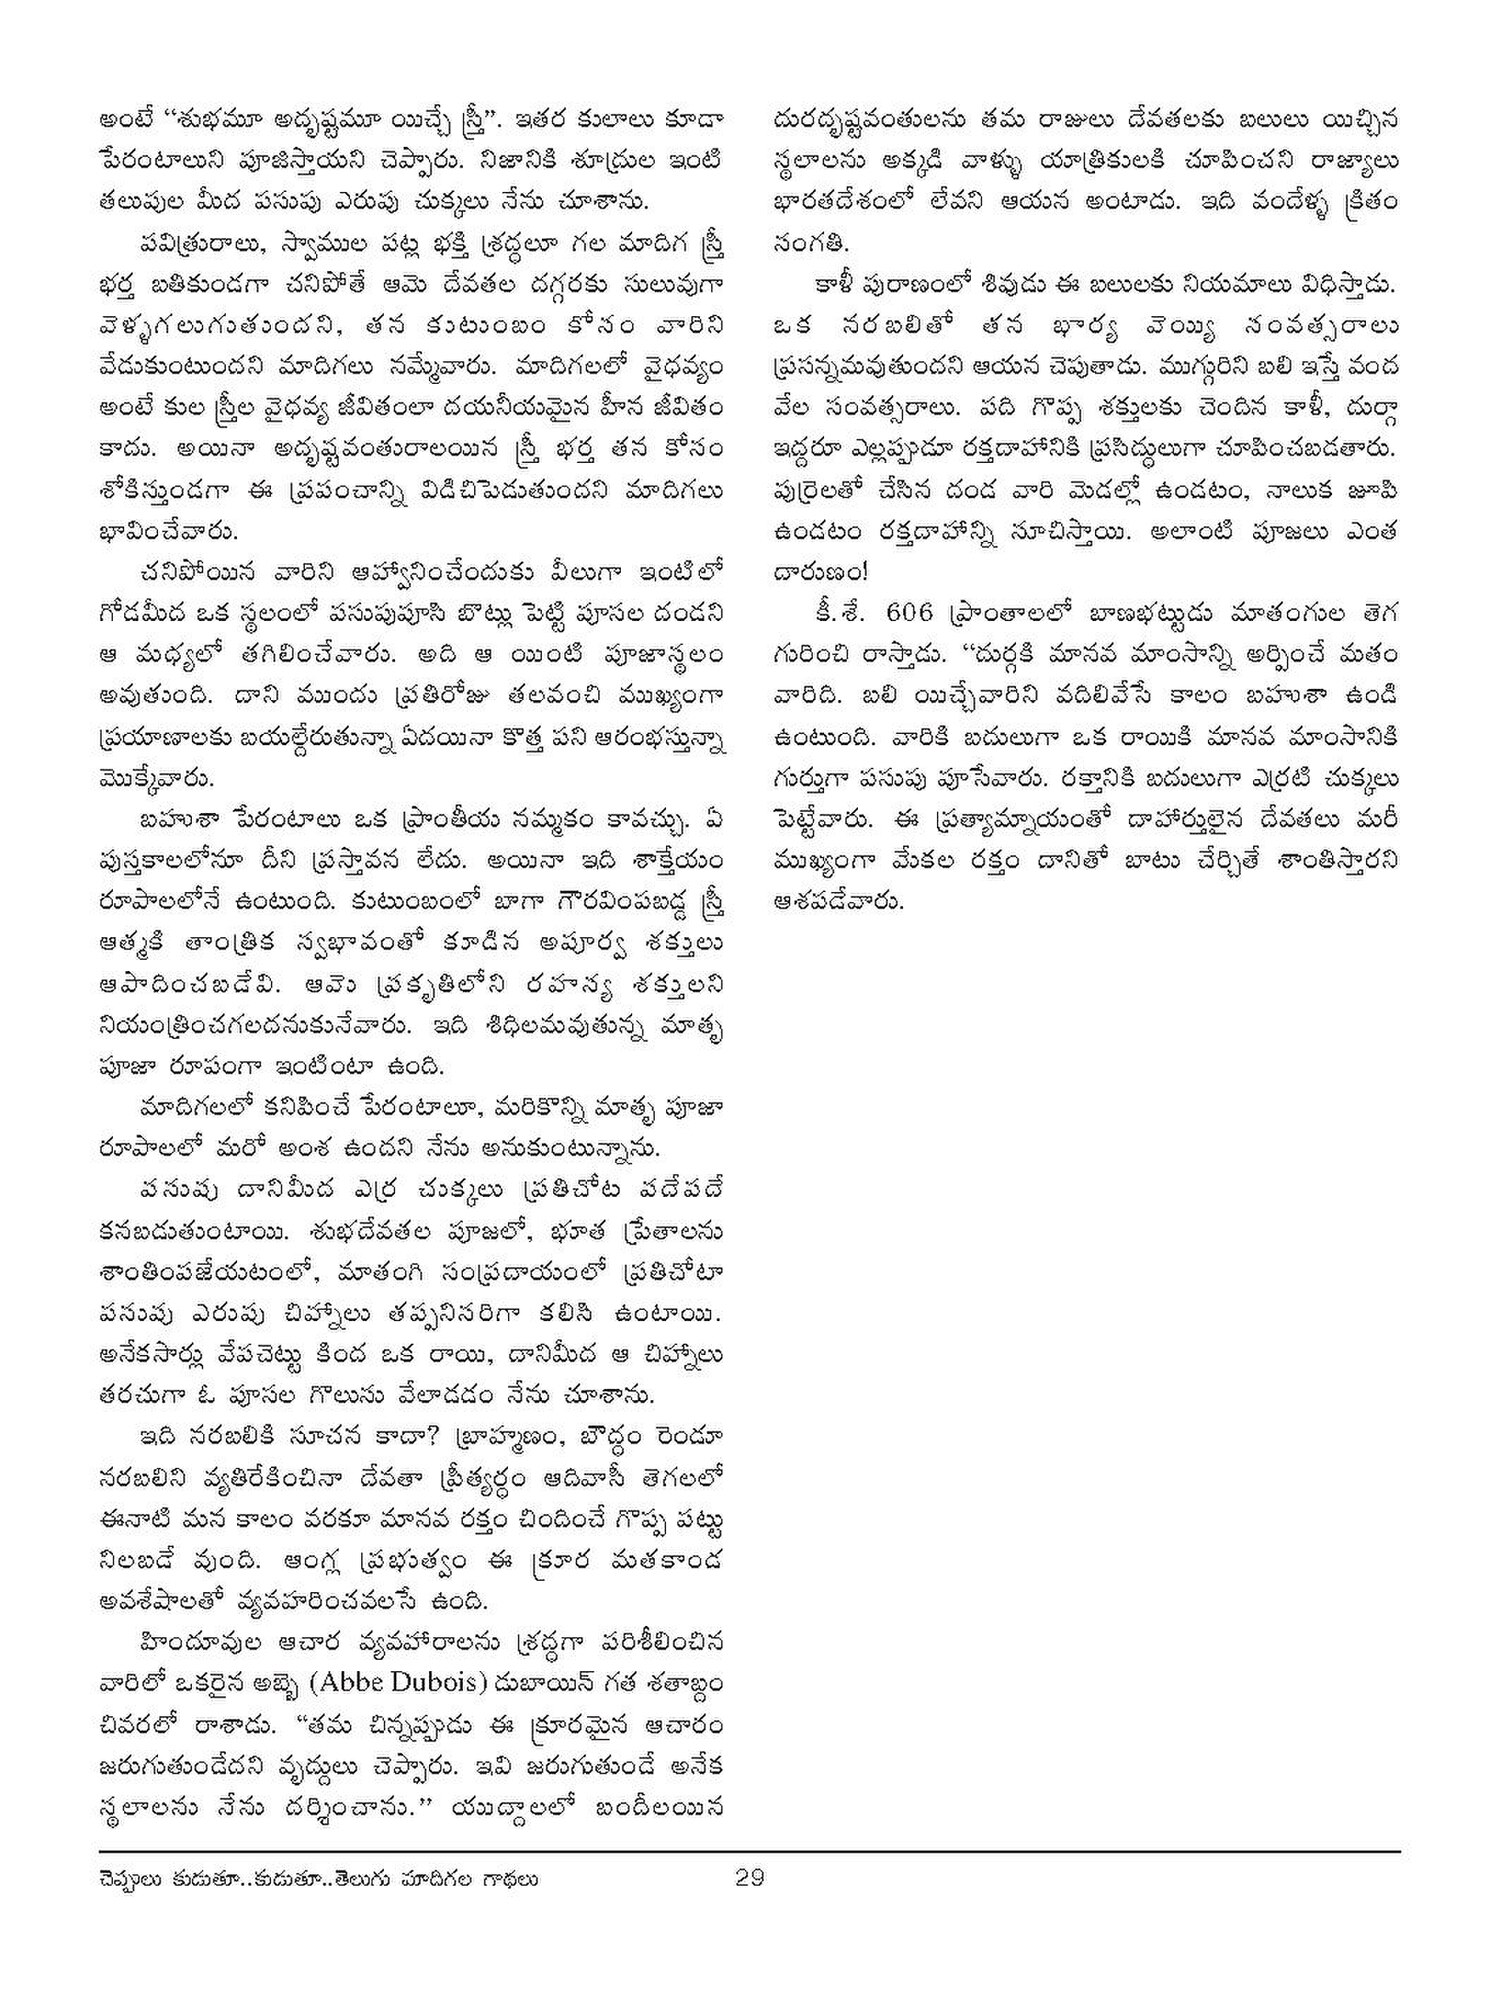అంటే "శుభమూ అదృష్టమూ యిచ్చే స్త్రీ". ఇతర కులాలు కూడా
పేరంటాలుని పూజిస్తాయని చెప్పారు. నిజానికి శూద్రుల ఇంటి
తలుపుల మీద పసుపు ఎరుపు చుక్కలు నేను చూశాను.

పవిత్రురాలు, స్వాముల పట్ల భక్తి శ్రద్ధలూ గల మాదిగ స్త్రీ
భర్త బతికుండగా చనిపోతే ఆమె దేవతల దగ్గరకు సులువుగా
వెళ్ళగలుగుతుందని, తన కుటుంబం కోసం వారిని
వేడుకుంటుందని మాదిగలు నమ్మేవారు. మాదిగలలో వైధవ్యం
అంటే కుల స్త్రీల వైధవ్య జీవితంలా దయనీయమైన హీన జీవితం
కాదు. అయినా అదృష్టవంతురాలయిన స్త్రీ భర్త తన కోసం
శోకిస్తుండగా ఈ ప్రపంచాన్ని విడిచిపెడుతుందని మాదిగలు
భావించేవారు.

చనిపోయిన వారిని ఆహ్వానించేందుకు వీలుగా ఇంటిలో
గోడమీద ఒక స్థలంలో పసుపుపూసి బొట్లు పెట్టి పూసల దండని
ఆ మధ్యలో తగిలించేవారు. అది ఆ యింటి పూజాస్థలం
అవుతుంది. దాని ముందు ప్రతిరోజు తలవంచి ముఖ్యంగా
ప్రయాణాలకు బయల్దేరుతున్నా ఏదయినా కొత్త పని ఆరంభస్తున్నా
మొక్కేవారు.

బహుశా పేరంటాలు ఒక ప్రాంతీయ నమ్మకం కావచ్చు. ఏ
పుస్తకాలలోనూ దీని ప్రస్తావన లేదు. అయినా ఇది శాక్తేయం
రూపాలలోనే ఉంటుంది. కుటుంబంలో బాగా గౌరవింపబడ్డ స్త్రీ
ఆత్మకి తాంత్రిక స్వభావంతో కూడిన అపూర్వ శక్తులు
ఆపాదించబడేవి. ఆమె ప్రకృతిలోని రహస్య శక్తులని
నియంత్రించగలదనుకునేవారు. ఇది శిధిలమవుతున్న మాతృ
పూజా రూపంగా ఇంటింటా ఉంది.

మాదిగలలో కనిపించే పేరంటాలూ, మరికొన్ని మాతృ పూజా
రూపాలలో మరో అంశ ఉందని నేను అనుకుంటున్నాను.

వసువు దానిమీద ఎర్ర చుక్కలు ప్రతిచోట పదేపదే
కనబడుతుంటాయి. శుభదేవతల పూజలో, భూత ప్రేతాలను
శాంతింపజేయటంలో, మాతంగి సంప్రదాయంలో ప్రతిచోటా
పసుపు ఎరుపు చిహ్నాలు తప్పనిసరిగా కలిసి ఉంటాయి.
అనేకసార్లు వేప చెట్టు కింద ఒక రాయి, దానిమీద ఆ చిహ్నాలు
తరచుగా ఓ పూసల గొలుసు వేలాడడం నేను చూశాను.

ఇది నరబలికి సూచన కాదా? బ్రాహ్మణం, బౌద్ధం రెండూ
నరబలిని వ్యతిరేకించినా దేవతా ప్రీత్యర్ధం ఆదివాసీ తెగలలో
ఈనాటి మన కాలం వరకూ మానవ రక్తం చిందించే గొప్ప పట్టు
నిలబడే వుంది. ఆంగ్ల ప్రభుత్వం ఈ క్రూర మతకాండ
అవశేషాలతో వ్యవహరించవలసే ఉంది.

హిందూవుల ఆచార వ్యవహారాలను శ్రద్ధగా పరిశీలించిన
వారిలో ఒకరైన అబ్బె (Abbe Dubois) డుబాయిన్ గత శతాబ్దం
చివరలో రాశాడు. "తమ చిన్నప్పుడు ఈ క్రూరమైన ఆచారం
జరుగుతుండేదని వృద్దులు చెప్పారు. ఇవి జరుగుతుండే అనేక
స్థలాలను నేను దర్శించాను.” యుద్ధాలలో బందీలయిన
దురదృష్టవంతులను తమ రాజులు దేవతలకు బలులు యిచ్చిన
స్థలాలను అక్కడి వాళ్ళు యాత్రికులకి చూపించని రాజ్యాలు
భారతదేశంలో లేవని ఆయన అంటాడు. ఇది వందేళ్ళ క్రితం
సంగతి.

కాళీ పురాణంలో శివుడు ఈ బలులకు నియమాలు విధిస్తాడు.
ఒక నరబలితో తన భార్య వెయ్యి సంవత్సరాలు
ప్రసన్నమవుతుందని ఆయన చెపుతాడు. ముగ్గురిని బలి ఇస్తే వంద
వేల సంవత్సరాలు. పది గొప్ప శక్తులకు చెందిన కాళీ, దుర్గా
ఇద్దరూ ఎల్లప్పుడూ రక్తదాహానికి ప్రసిద్ధులుగా చూపించబడతారు.
పుర్రెలతో చేసిన దండ వారి మెడల్లో ఉండటం, నాలుక జూపి
ఉండటం రక్తదాహాన్ని సూచిస్తాయి. అలాంటి పూజలు ఎంత
దారుణం!

కీ.శే. 606 ప్రాంతాలలో బాణభట్టుడు మాతంగుల తెగ
గురించి రాస్తాడు. "దుర్గకి మానవ మాంసాన్ని అర్పించే మతం
వారిది. బలి యిచ్చేవారిని వదిలివేసే కాలం బహుశా ఉండి
ఉంటుంది. వారికి బదులుగా ఒక రాయికి మానవ మాంసానికి
గుర్తుగా పసుపు పూసేవారు. రక్తానికి బదులుగా ఎర్రటి చుక్కలు
పెట్టేవారు. ఈ ప్రత్యామ్నాయంతో దాహార్తులైన దేవతలు మరీ
ముఖ్యంగా మేకల రక్తం దానితో బాటు చేర్చితే శాంతిస్తారని
ఆశపడేవారు.